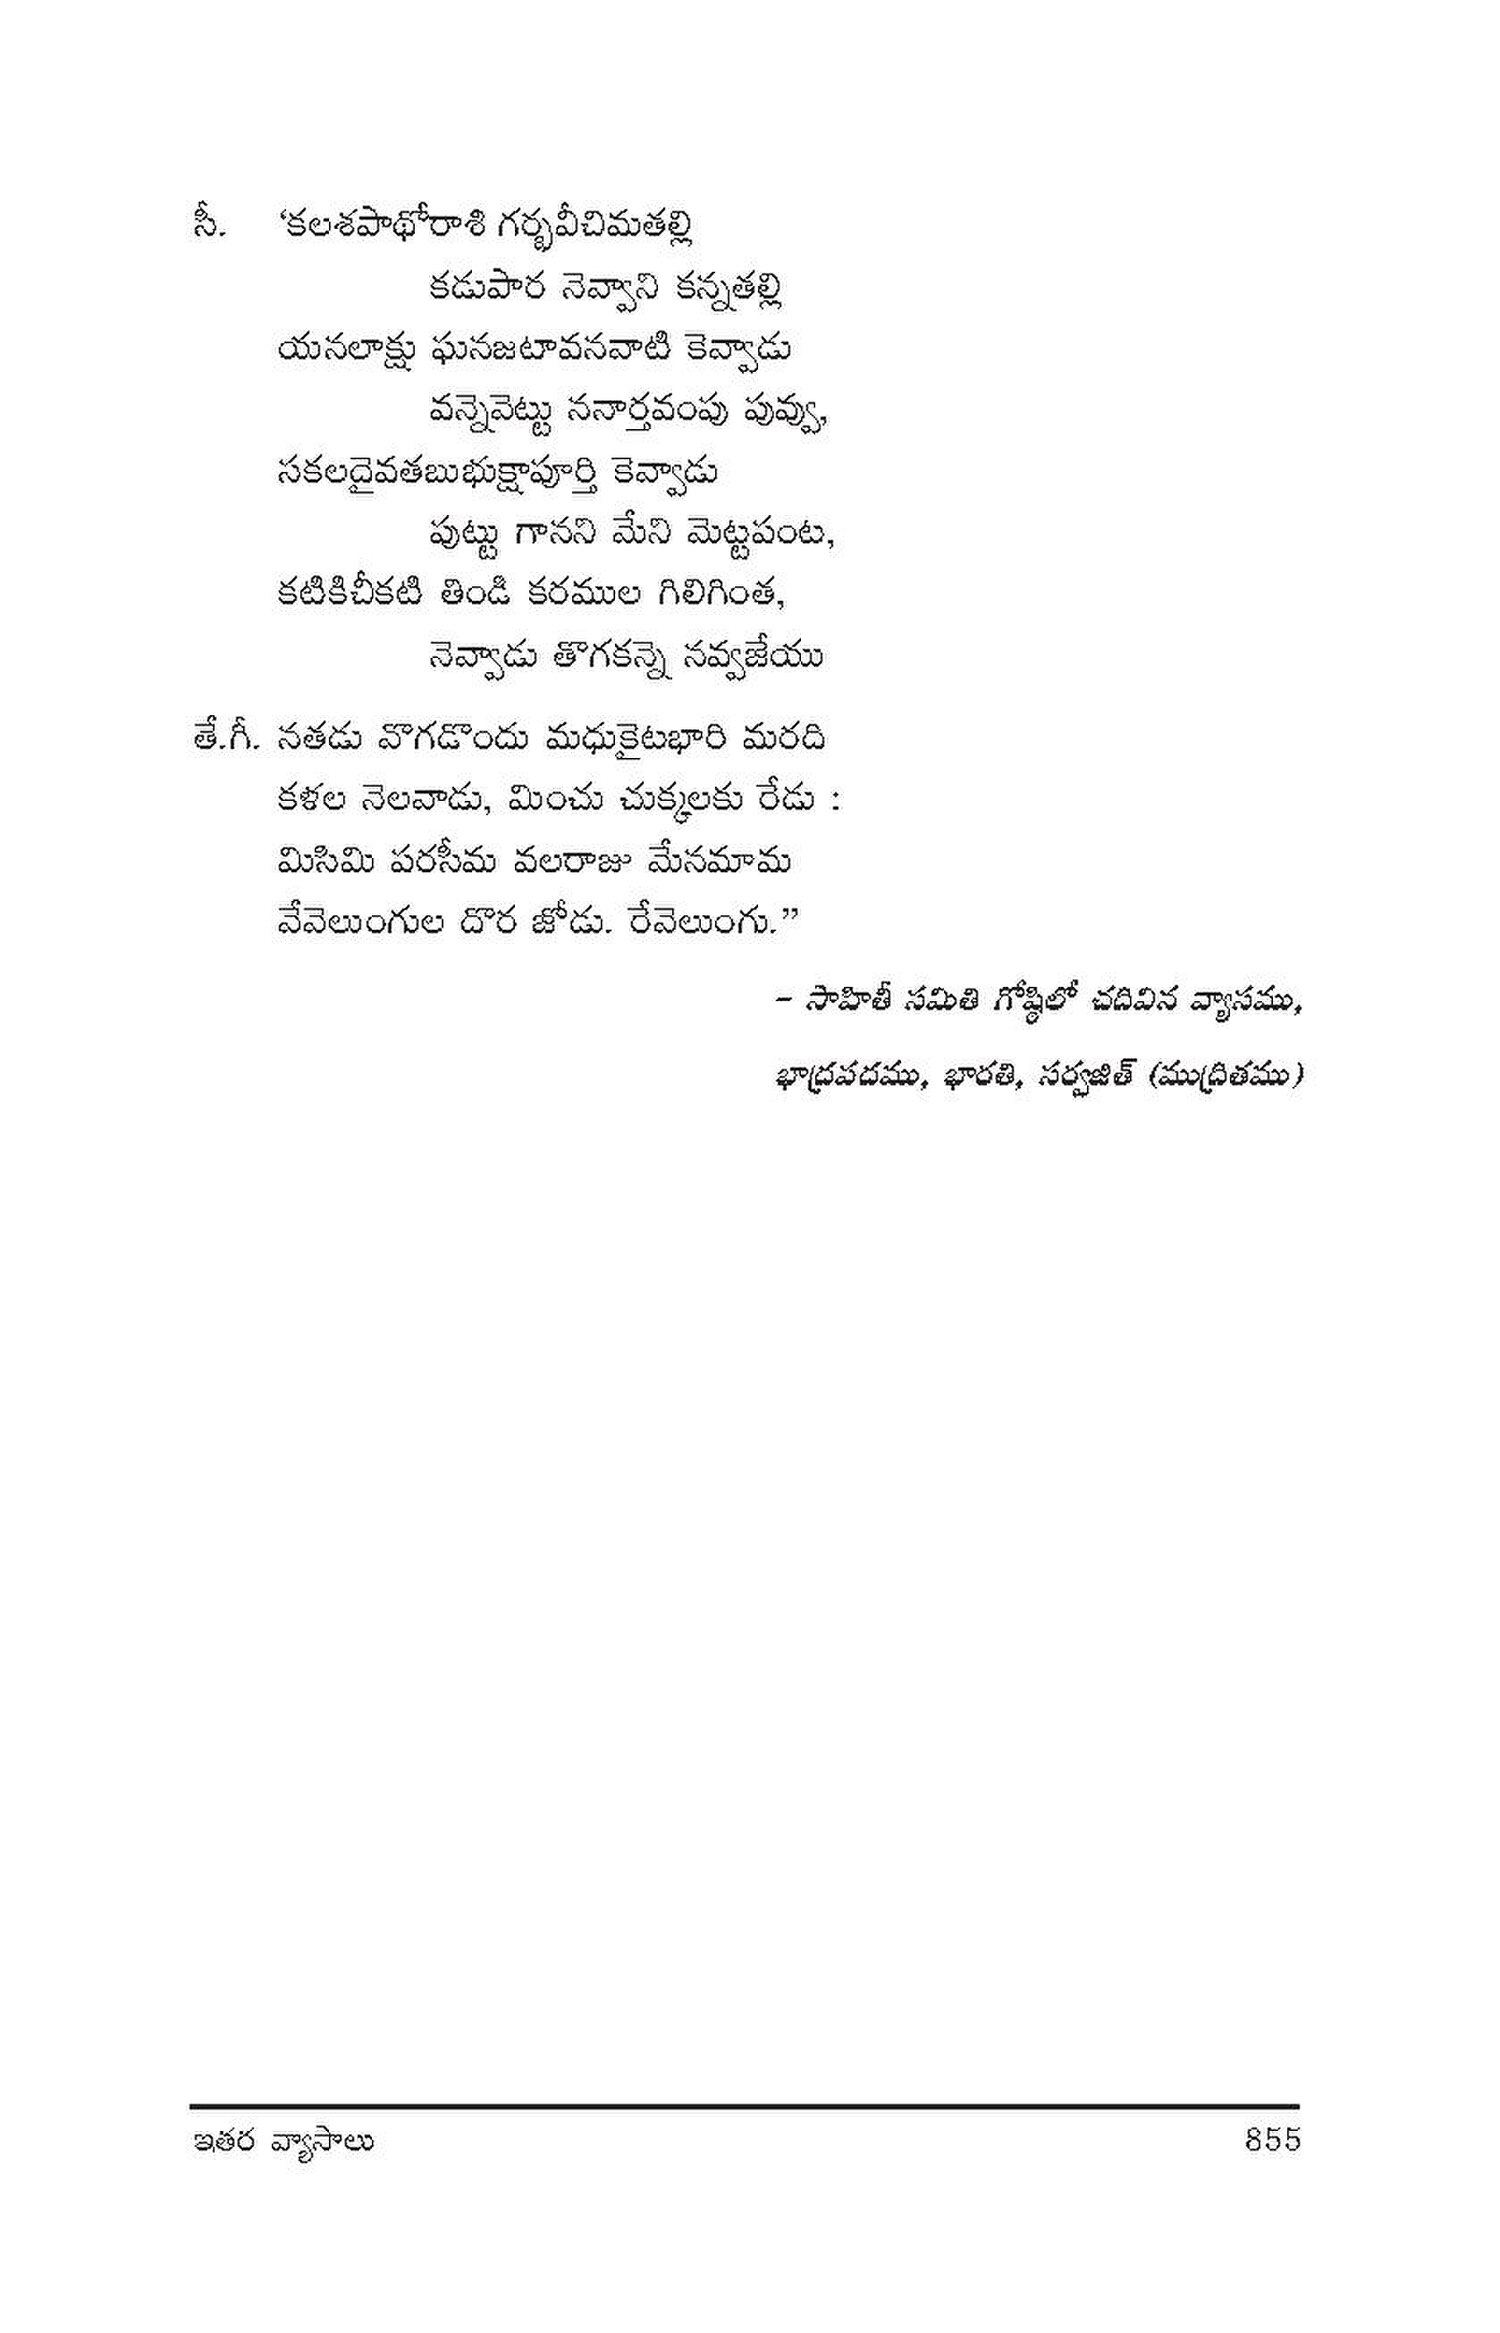సీ. 'కలశపాథోరాశి గర్భవీచిమతల్లి
 కడుపార నెవ్వాని కన్నతల్లి
 యనలాక్షు ఘనజటావనవాటి కెవ్వాడు
 వన్నెవెట్టు ననార్తవంపు పువ్వు,
 సకలదైవతబుభుక్షాపూర్తి కెవ్వాడు
 పుట్టు గానని మేని మెట్టపంట,
 కటికిచీకటి తిండి కరముల గిలిగింత,
 నెవ్వాడు తొగకన్నె నవ్వజేయు

తే.గీ. నతడు వొగడొందు మధుకైటభారి మరది
 కళల నెలవాడు, మించు చుక్కలకు రేడు :
 మిసిమి పరసీమ వలరాజు మేనమామ
 వేవెలుంగుల దొర జోడు. రేవెలుంగు.”